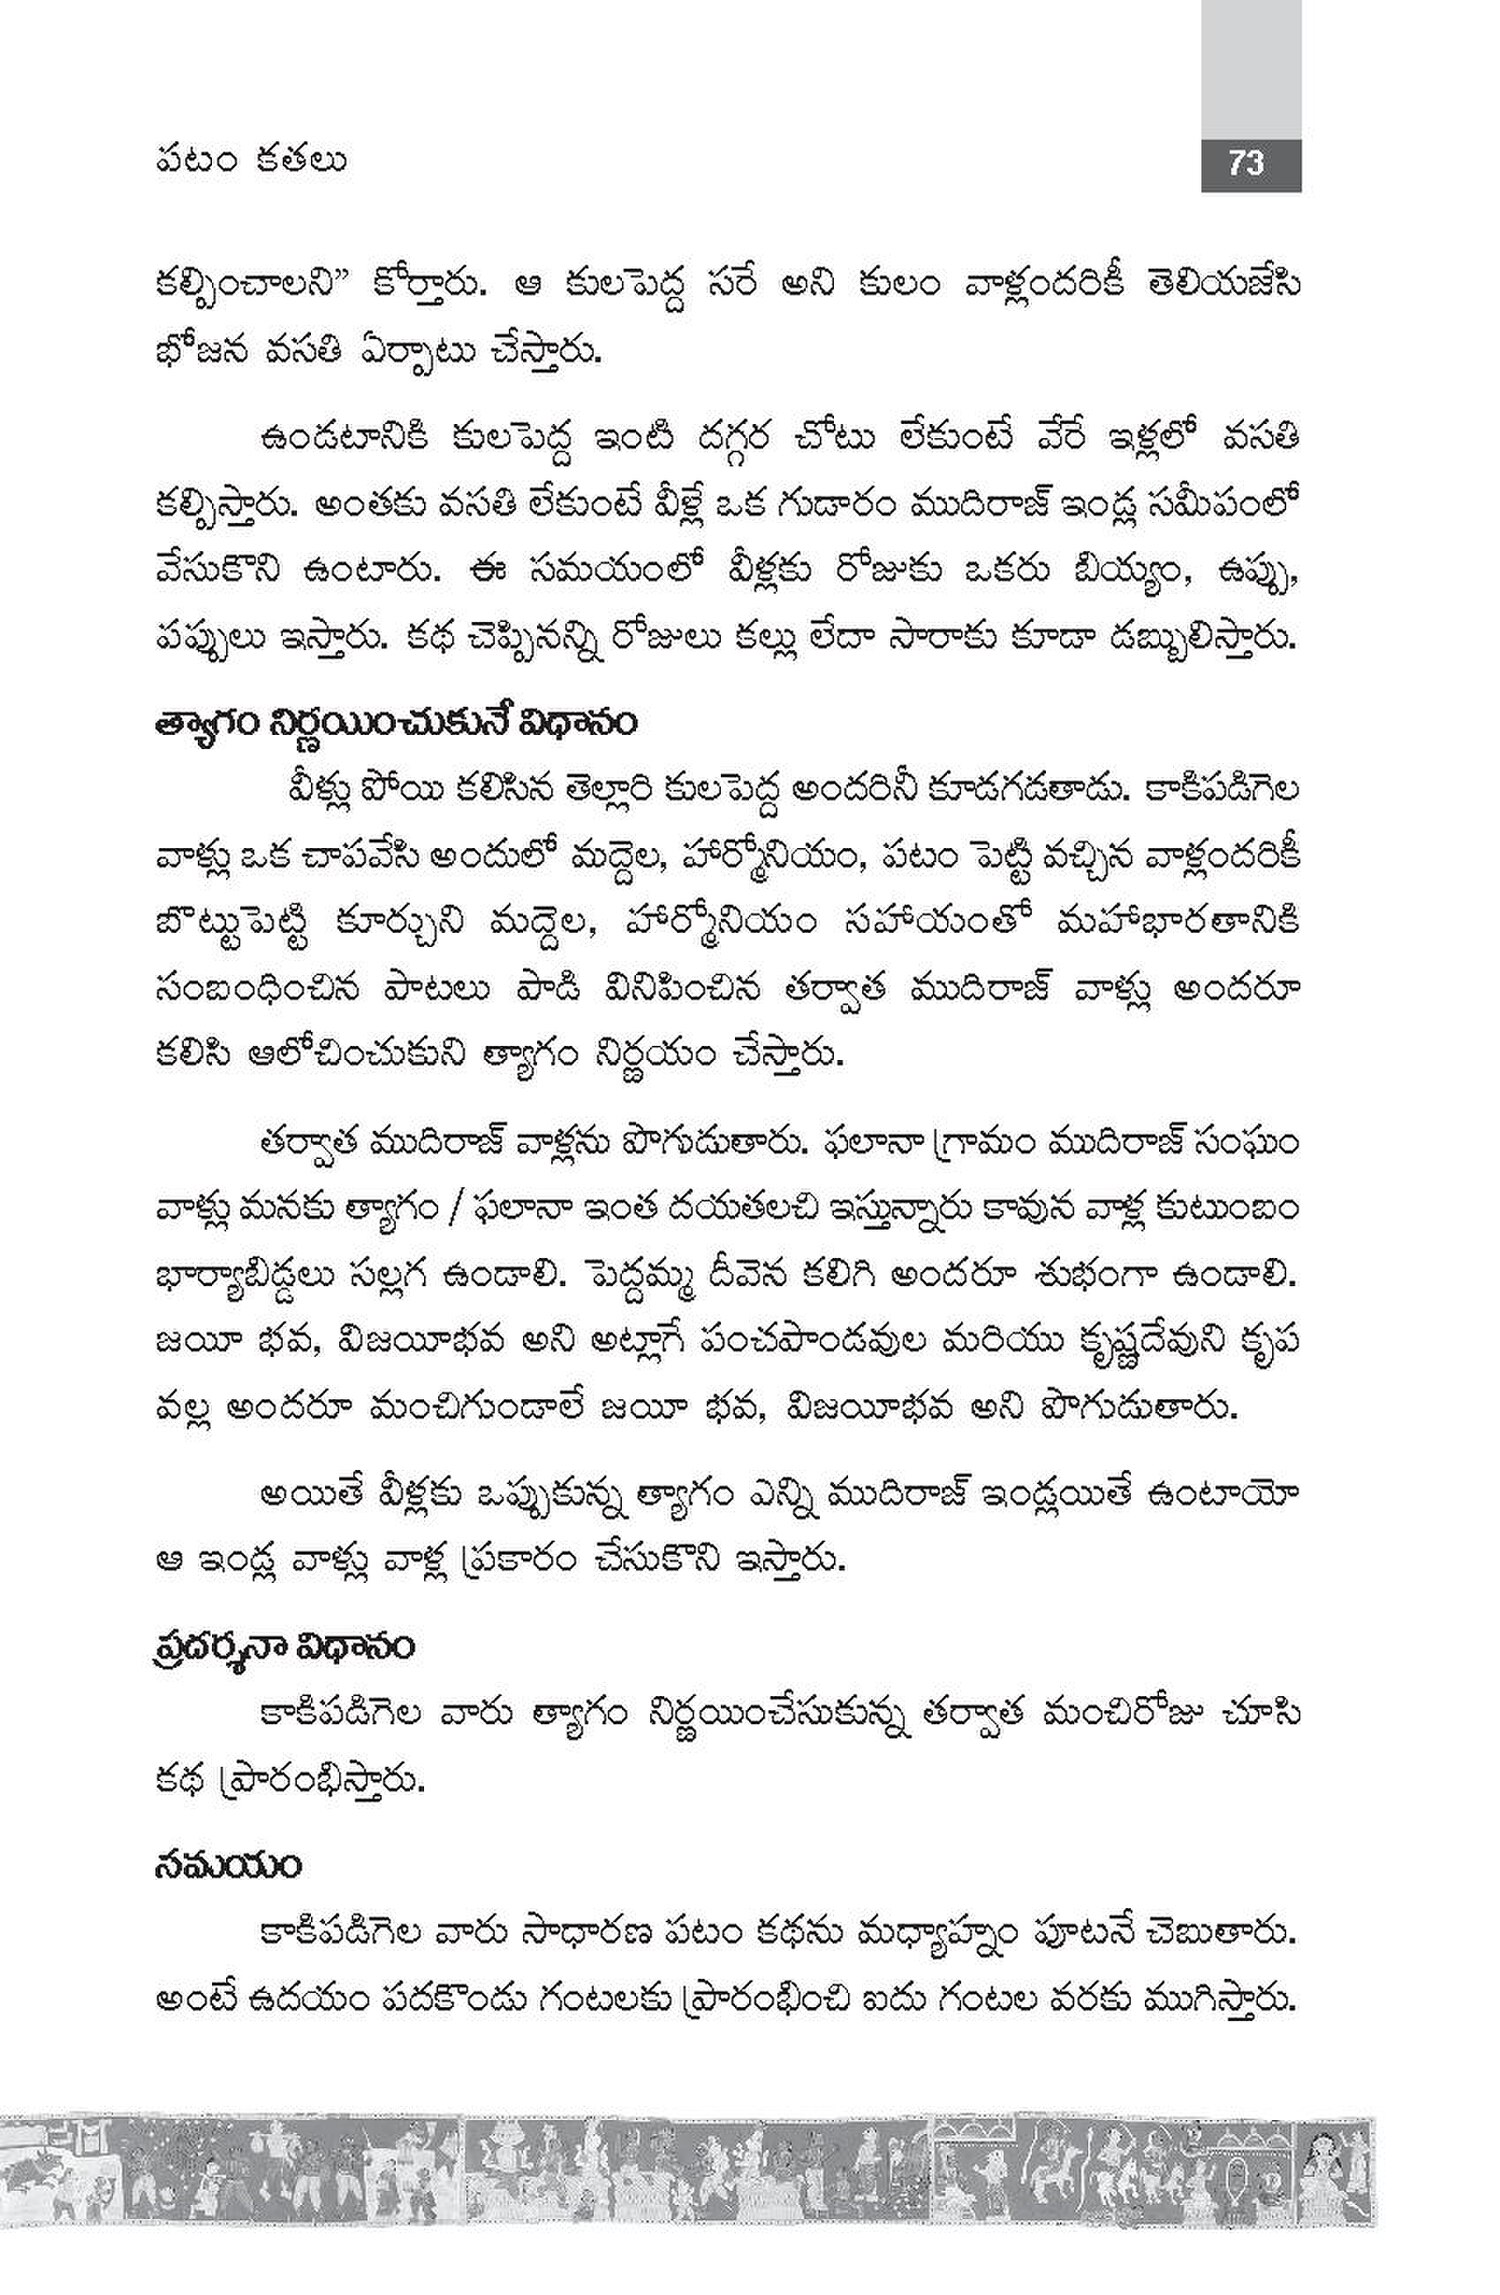కల్పించాలని కోర్తారు. ఆ కులపెద్ద సరే అని కులం వాళ్లందరికీ తెలియజేసి భోజన వసతి ఏర్పాటు చేస్తారు.

ఉండటానికి కులపెద్ద ఇంటి దగ్గర చోటు లేకుంటే వేరే ఇళ్లలో వసతి కల్పిస్తారు. అంతకు వసతి లేకుంటే వీళ్లే ఒక గుడారం ముదిరాజ్ ఇండ్ల సమీపంలో వేసుకొని ఉంటారు. ఈ సమయంలో వీళ్లకు రోజుకు ఒకరు బియ్యం, ఉప్పు,
పప్పులు ఇస్తారు. కథ చెప్పినన్ని రోజులు కల్లు లేదా సారాకు కూడా డబ్బులిస్తారు.

త్యాగం నిర్ణయించుకునే విధానం 

వీళ్లు పోయి కలిసిన తెల్లారి కులపెద్ద అందరినీ కూడగడతాదు. కాకిపడిగెల వాళ్లు ఒక చాపవేసి అందులో మద్దెల, హార్మోనియం, పటం పెట్టి వచ్చిన వాళ్లందరికీ బొట్టుపెట్టి కూర్చుని మద్దెల, హార్మోనియం సహాయంతో మహాభారతానికి
సంబంధించిన పాటలు పాడి వినిపించిన తర్వాత ముదిరాజ్ వాళ్లు అందరూ కలిసి ఆలోచించుకుని త్యాగం నిర్ణయం చేస్తారు.

తర్వాత ముదిరాజ్ వాళ్లను పొగుడుతారు. ఫలానా గ్రామం ముదిరాజ్ సంఘం వాళ్లు మనకు త్యాగం / ఫలానా ఇంత దయతలచి ఇస్తున్నారు కావున వాళ్ల కుటుంబం భార్యాబిడ్డలు సల్లగ ఉండాలి. పెద్దమ్మ దీవెన కలిగి అందరూ శుభంగా ఉండాలి. జయీ భవ, విజయీభవ అని అట్లాగే పంచపాండవుల మరియు కృష్ణదేవుని కృప వల్ల అందరూ మంచి గుండాలే జయీ భవ, విజయీభవ అని పొగుడుతారు. 

అయితే వీళ్లకు ఒప్పుకున్న త్యాగం ఎన్ని ముదిరాజ్ ఇండ్లయితే ఉంటాయో ఆ ఇండ్ల వాళ్లు వాళ్ల ప్రకారం చేసుకొని ఇస్తారు.

ప్రదర్శనా విధానం 

కాకిపడిగెల వారు త్యాగం నిర్ణయించేసుకున్న తర్వాత మంచిరోజు చూసి కథ ప్రారంభిస్తారు.

సమయం 

కాకిపడిగెల వారు సాధారణ పటం కథను మధ్యాహ్నం పూటనే చెబుతారు. అంటే ఉదయం పదకొండు గంటలకు ప్రారంభించి ఐదు గంటల వరకు ముగిస్తారు.